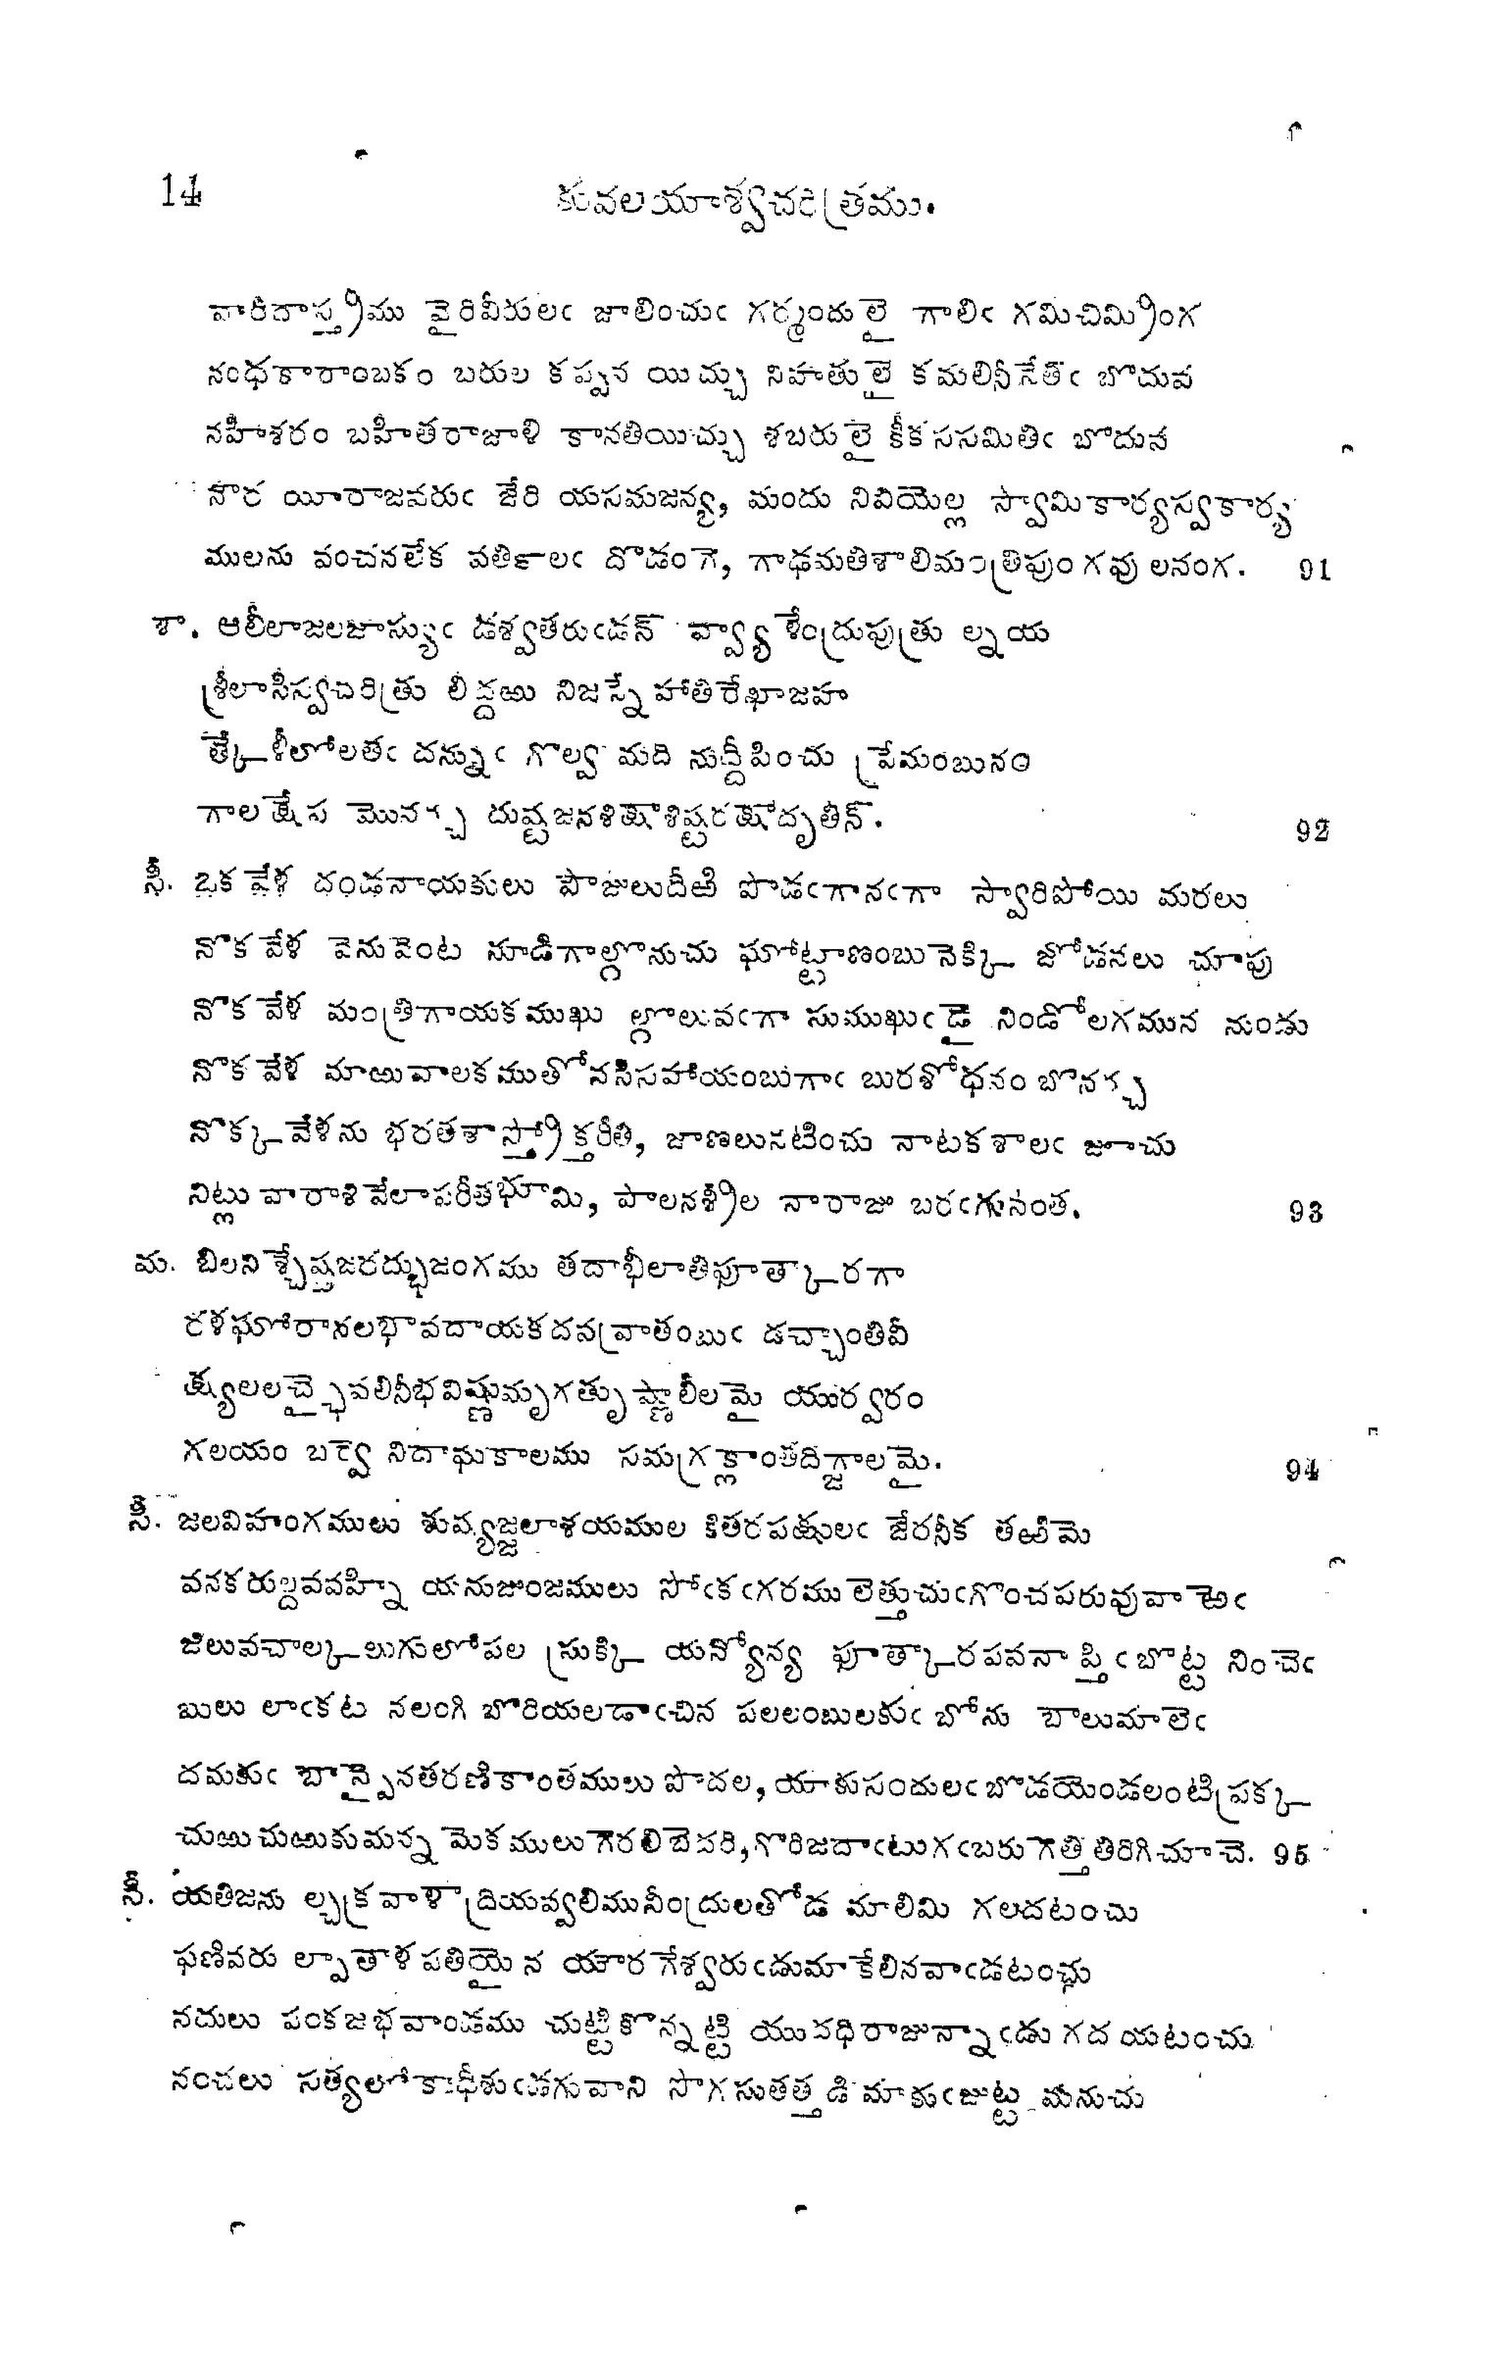వారిదాస్త్రము వైరివీరులఁ జాలించుఁ గర్మందులై గాలిఁ గమిచి మ్రింగ
నంధకారాంబకం బరుల కప్పన యిచ్చు నిహతులై కమలినీనేతఁ బొదువ
నహిశరం బహితరాజాళి కానతియిచ్చు శబరులై కీకససమితిఁ బొదువ
నౌర యీరాజవరుఁ జేరి యసమజన్య, మందు నివియెల్ల స్వామికార్యస్వకార్య
ములను వంచన లేక వర్తిలఁ దొడంగె, గాఢమతిశాలిమంత్రిపుంగవు లనంగ.
శా. ఆలీలాజలజాస్యుఁ డశ్వతరుఁడన్ వ్వ్యాళేంద్రుపుత్రు ల్నయ
శ్రీలాసిస్వచరిత్రు లిద్దఱు నిజస్నేహాతి రేఖాజహ
త్కేళీలోలతఁ దన్నుఁ గొల్వ మది నుద్దీపించు ప్రేమంబునం
గాలక్షేప మొనర్చు దుష్టజనశిక్షాశిష్టరక్షాదృతిన్.
సీ. ఒకవేళ దండనాయకులు పౌజులు దీఱి పొడఁగానఁగా స్వారిపోయి మరలు
నొకవేళ వెనువెంట నూడిగా ల్గొనుచు ఘోట్టాణంబు నెక్కి జోడనలు చూపు
నొకవేళ మంత్రిగాయకముఖు ల్గొలువఁగా సుముఖుఁడై నిండోలగమున నుండు
నొకవేళ మాఱువాలకముతో నసిసహాయంబుగాఁ బురశోధనం బొనర్చు
నొక్కవేళను భరతశాస్త్రోక్తరీతి, జాణలునటించు నాటకశాలఁ జూచు
నిట్లు వారాశివేలాపరీతభూమి, పాలనశ్రీల నారాజు బరఁగునంత.
మ. బిలనిశ్చేష్టజరద్భుజంగము తదాభీలాతిఫూత్కారగా
రళఘోరానలభావదాయకదనవ్రాతంబుఁ డచ్చాంతివీ
క్ష్యలలచ్చైవలినీభవిష్ణుమృగతుృష్ణాలీలమై యుర్వరం
గలయం బర్వె నిదాఘకాలము సమగ్రక్లాంతదిగ్జాలమై.
సీ. జలవిహంగములు శుష్యజ్జలాశయముల కితరపక్షులఁ జేరనీక తఱిమె
వనకరుల్దవవహ్ని యనుజుంజములు సోఁకఁ గరము లెత్తుచుఁ గొంచపరువు వాఱెఁ
జిలువచాల్కలుగులోపల స్రుక్కి యన్యోన్యఫూత్కారపవనాప్తిఁ బొట్ట నించెఁ
బులు లాఁకట నలంగి బొరియలడాఁచిన పలలంబులకుఁ బోను బాలుమాలెఁ
దమకుఁ బాన్పైనతరణికాంతములు పొదల, యాకుసందులఁ బొడయెండలంటి ప్రక్క
చుఱుచుఱుకుమన్న మెకములు గెరలి బెదరి, గొరిజదాఁటుగఁ బరుగెత్తి తిరిగిచూచె.
సీ. యతిజను ల్చక్రవాళాద్రియవ్వలిమునీంద్రులతోడ మాలిమి గలదటంచు
ఫణివరు ల్పాతాళపతియైన యౌరగేశ్వరుఁడు మా కేలినవాఁ డటంచు
నచులు పంకజభవాండము చుట్టికొన్నట్టి యుదధిరా జున్నాఁడు గద యటంచు
నంచలు సత్యలోకాధీశుఁడగువాని సొగసుతత్తడి మాకుఁ జుట్ట మనుచు